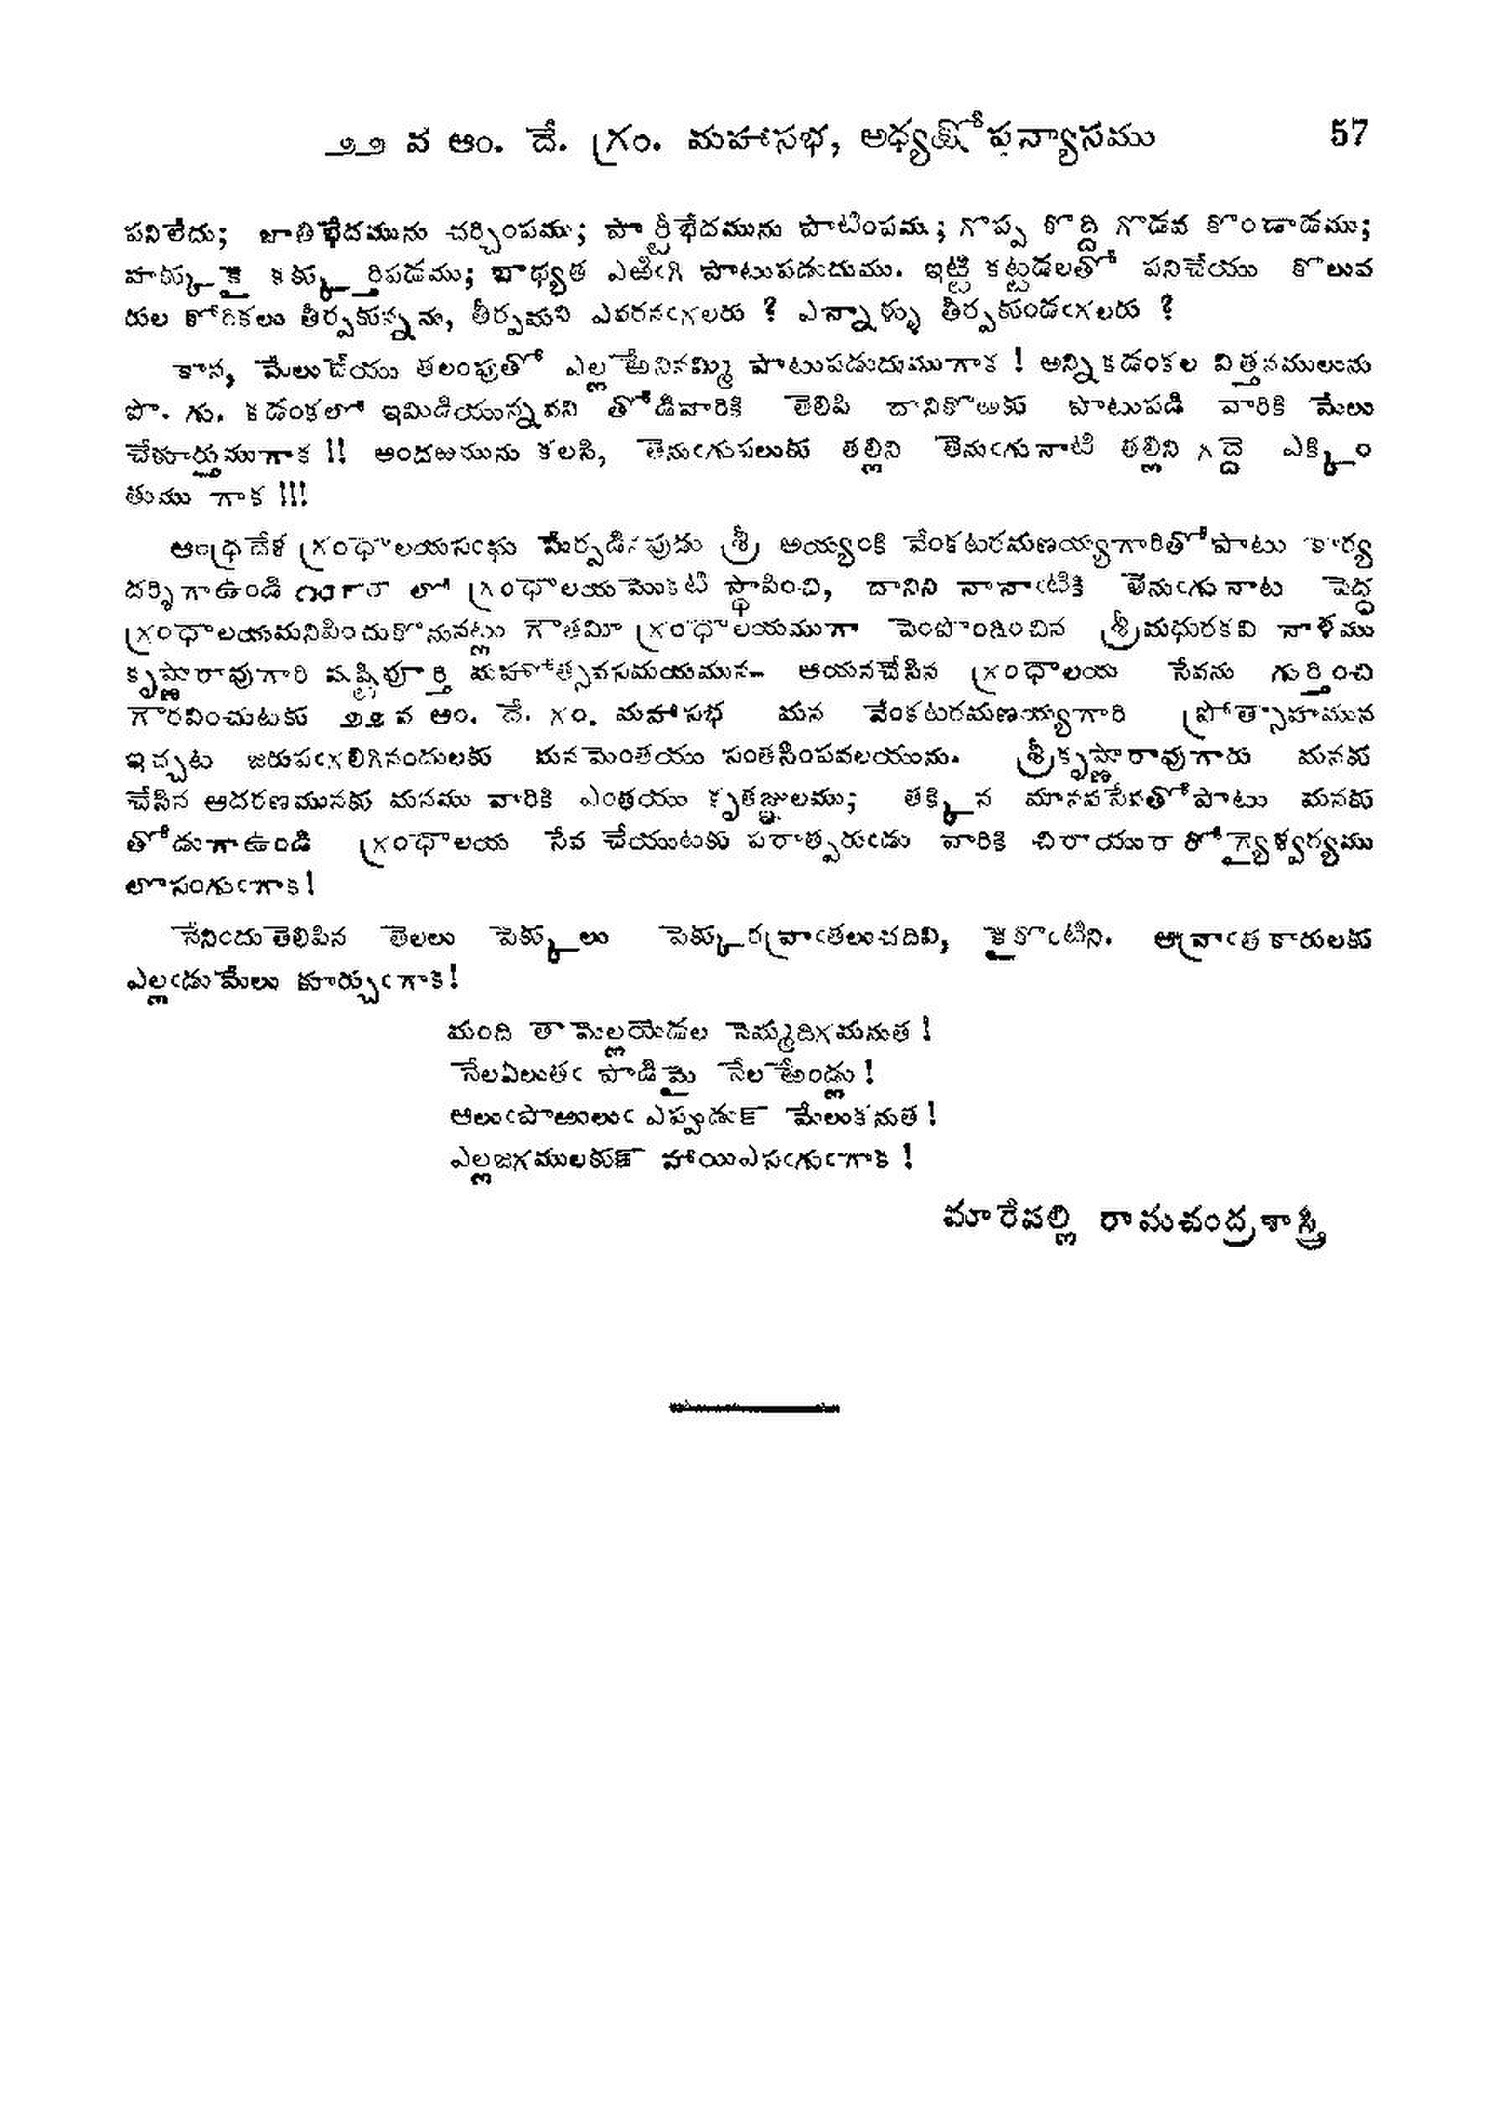పనిలేదు ; జాతిభేదమును చర్చింపము; పార్టీభేదమును పాటింపము; గొప్ప కొద్ది గొడవ కొండాడము; హక్కుకై కక్కుర్తిపడము; 
బాధ్యత ఎఱిఁగి పాటుపడుదుము. ఇట్టి కట్టడలతో పనిచేయు కొఱవరుల కోరికలు తీర్పకున్నను, తీర్పమని ఎవరనఁగలరు? 
ఎన్నాళ్ళు తీర్పకుండఁగలరు?

కాన, మేలుజేయు తలంపుతో ఎల్లఱోనినమ్మి పాటుపడుదుముగాక! అన్నికడంకల విత్తనములును పొ.గు. కడంకలో 
ఇమిడియున్నవని తోడివారికి తెలిపి దానికొఱకు పాటుపడి వారికి మేలు చేగూర్తుముగాక! అందఱమును కలసి, 
తెనుఁగుపలుకు తల్లిని తెనుఁగునాటి తల్లిని గద్దె ఎక్కింతుము గాక !

ఆంధ్రదేశ గ్రంధాలయసంఘ మేర్పడినపుడు శ్రీ అయ్యంకి వెంకటరమణయ్య గారితో పాటు కార్యదర్శిగా ఉండి ౧౮౯౮ లో గ్రంథాలయమొకటి స్థాపించి, దానిని నానాఁటికి తెనుఁగు నాట పెద్ద గ్రంధాలయమనిపించుకొనునట్లు గౌతమీ గ్రంథాలయముగా పెంపొందించిన శ్రీమధురకవి నాళము కృష్ణారావుగారి షష్టిపూర్తి మహోత్సవసమయమున ఆయన చేసిన గ్రంధాలయ సేవను 
గుర్థించి గుర్త్తించి గౌరవించుటకు ౨౨ అం.దే.గం. మహాసభ మన వేంకటరమణయ్య గారి ప్రోత్సాహమున-ఇచ్చట 
జరుపఁగలిగినందులకు మన మెంతయు సంతసింపవలయును. శ్రీకృష్ణారావుగారు మనకు చేసిన ఆదరణమునకు మనము 
వారికి ఎంతయు కృతజ్ఞులము; తక్కిన మానవసేవతోపాటు మనకు తోడుగా ఉండి గ్రంథాలయ సేవ చేయుటకు పరాత్పరుడు
వారికి చిరాయురారోగ్యైశ్వర్యము లొసంగుఁగాక!

నేనిందు తెలిపిన తెలలు పెక్కులు పెక్కురవ్రాతలుచదివి, కైకొంటిని. ఆవ్రాఁతకారులకు ఎల్లఁడు మేలు కూర్చుఁగాక!